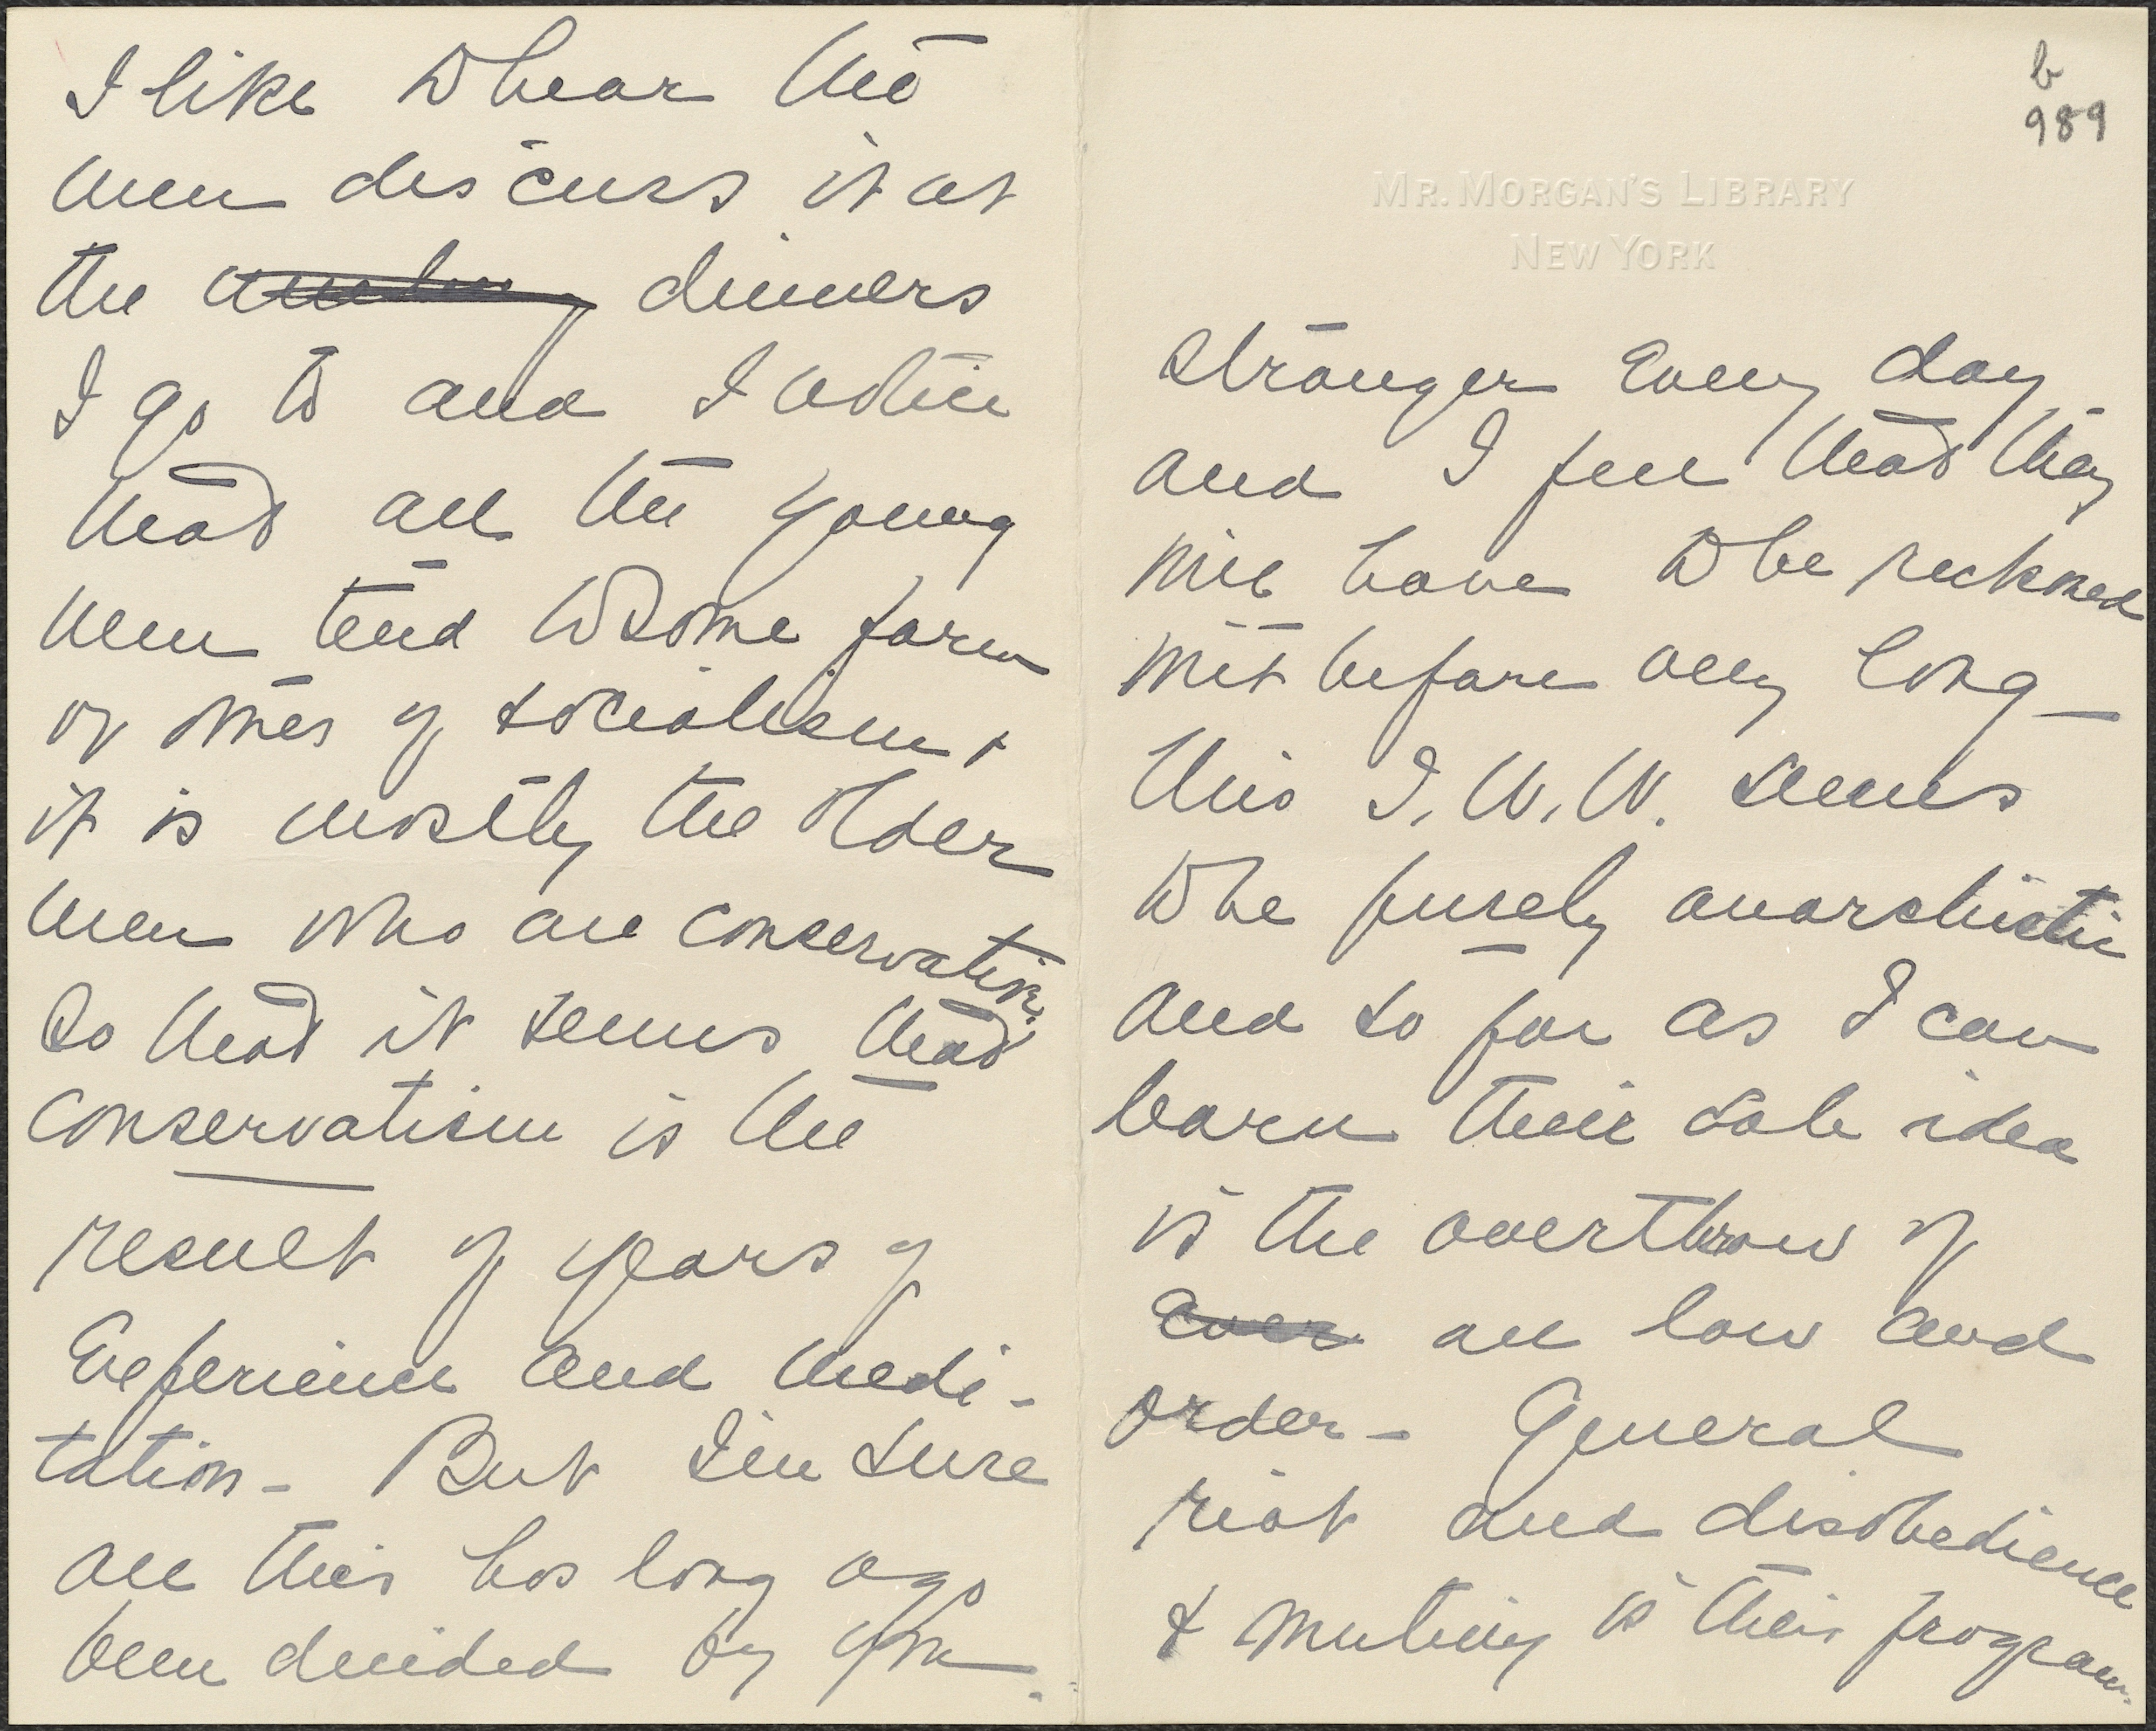stranger every day – and I feel that they will have to be reckoned with before very long – This I.W.W. seems to be purely anarchistic and so far as I can learn their sole idea is the overthrow of ever all law and order – General riot and disobedience & mutiny is their program.
I like to hear the men discuss it at the meeting dinners I go to and I notice that all the young men tend to some form or other of socialism & it is mostly the older men who are conservative. so that it seems that conservatism is the result of years of experience and meditation – But I’m sure all this has long ago been decided by you.